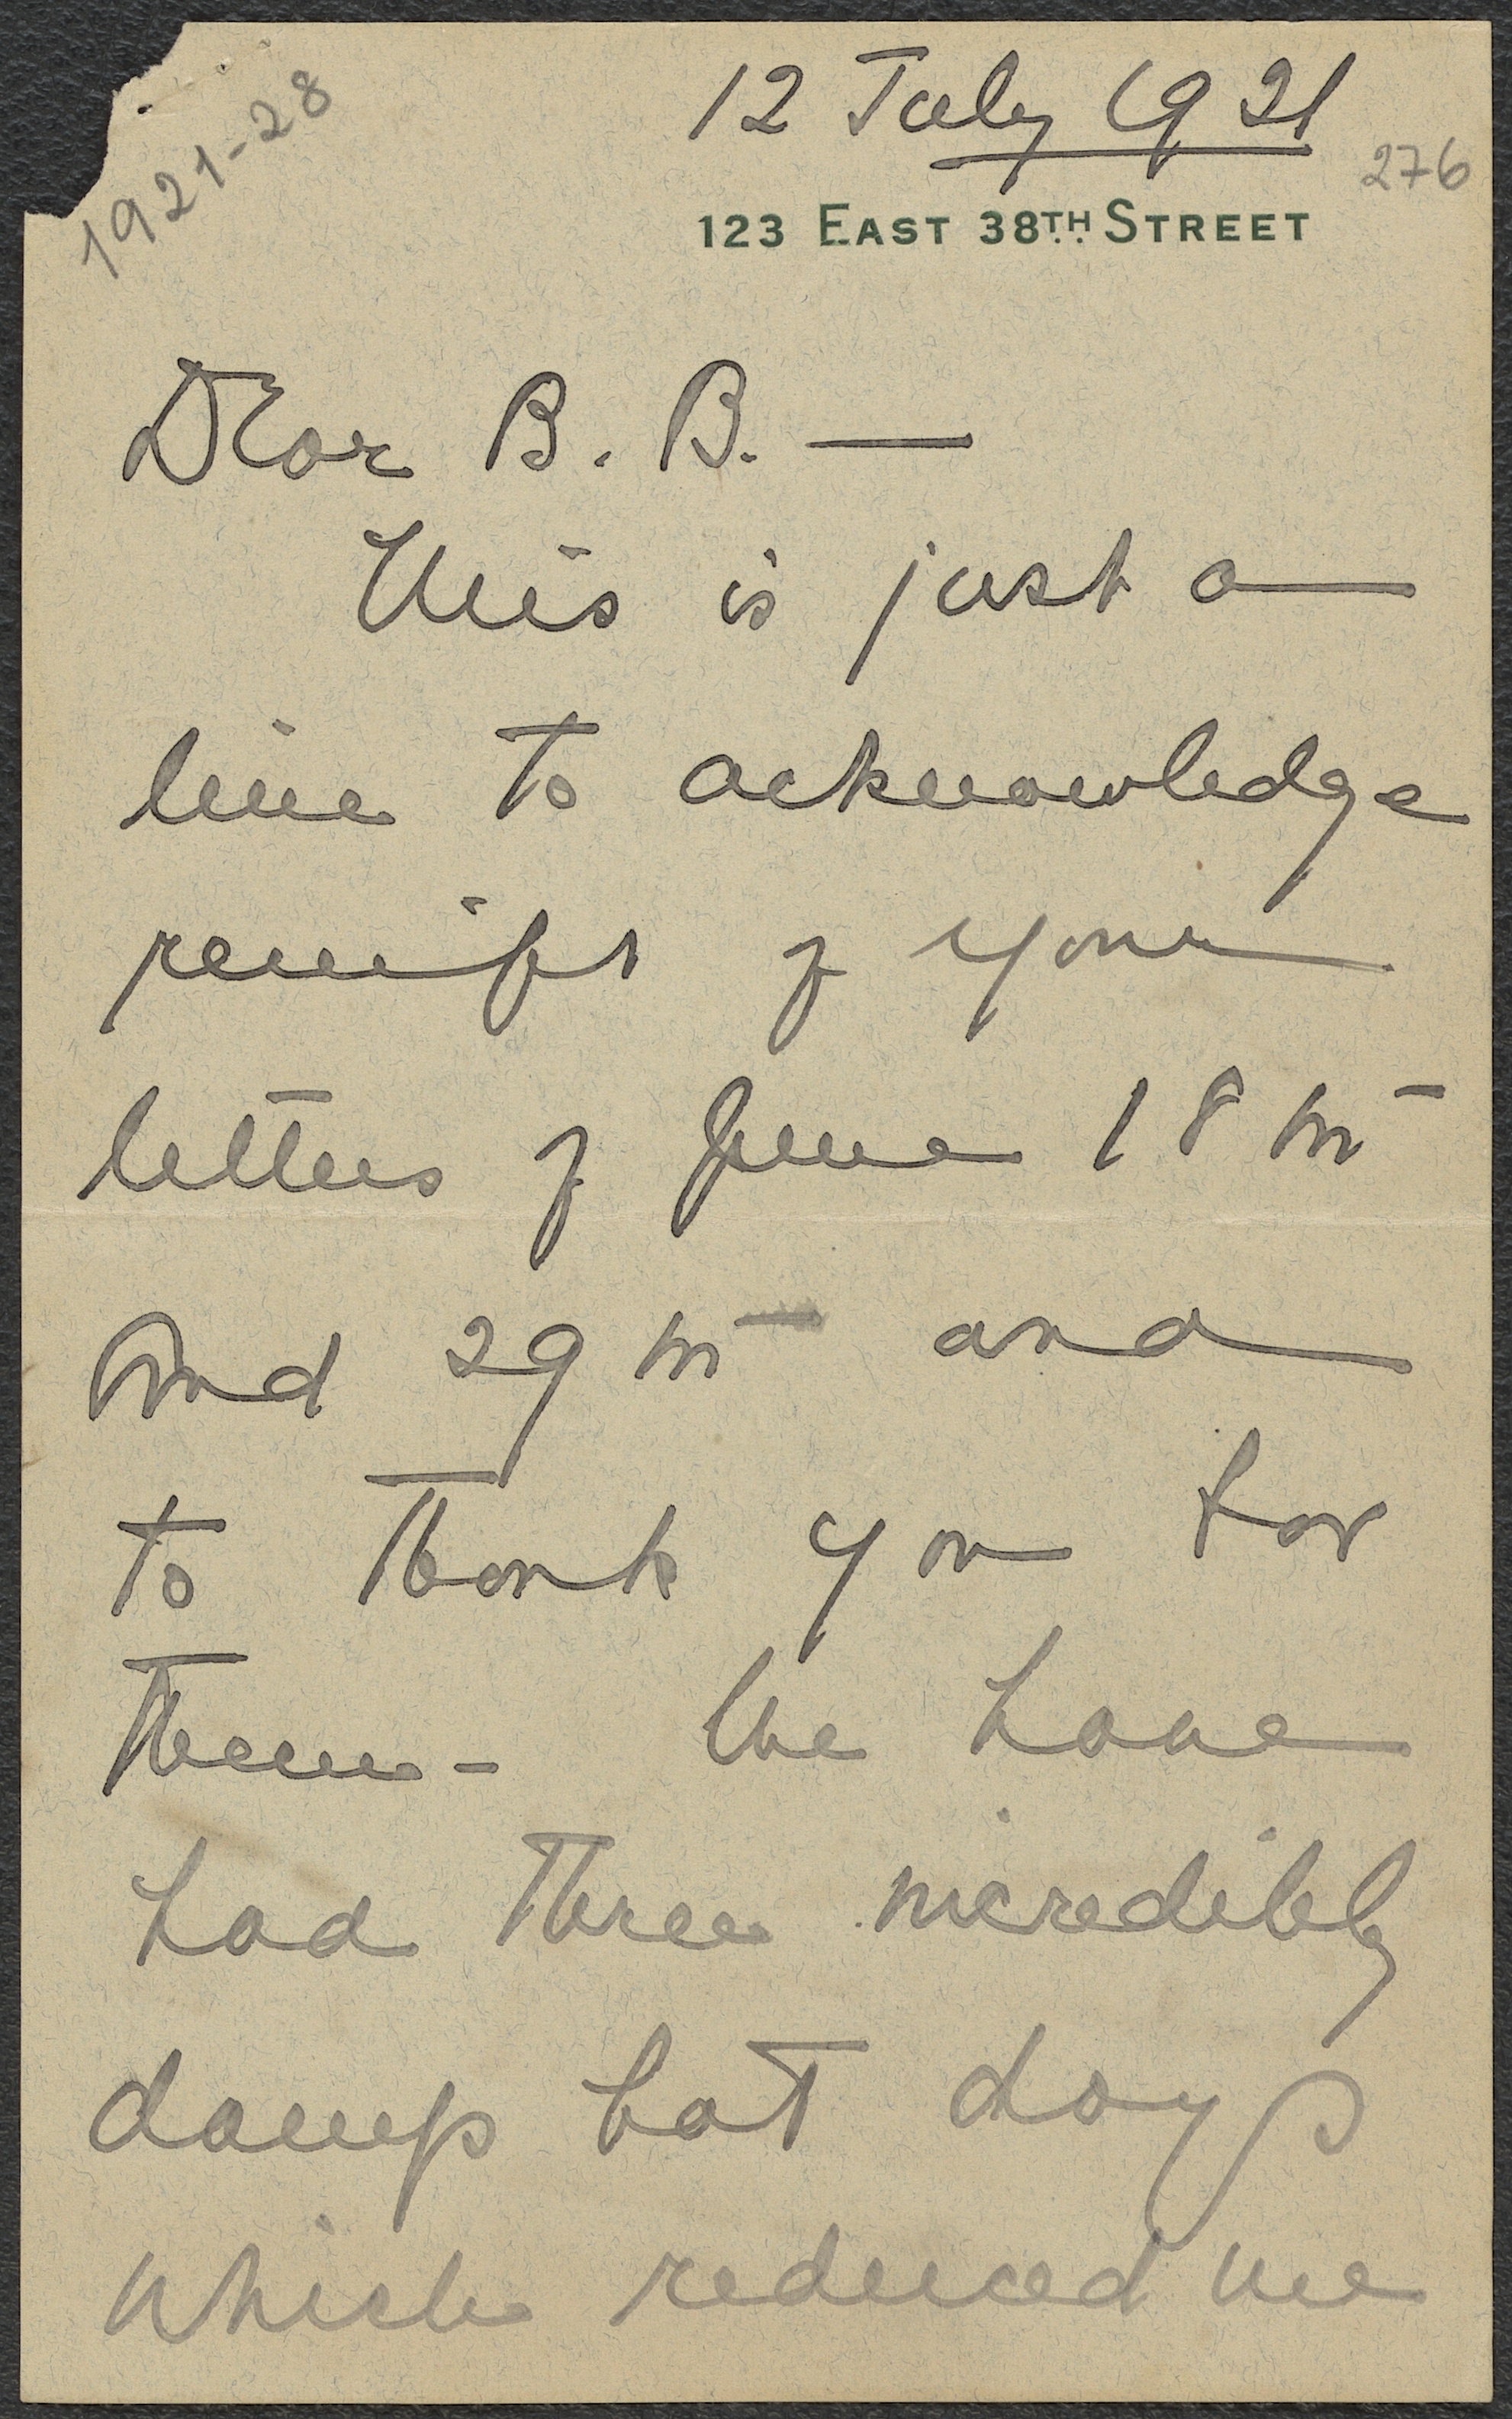12 July 1921
Dear B.B. –
This is just a line to acknowledge receipt of your letters of June 18th and 29th and to thank you for them – We have had three incredibly damp hot days which reduced me